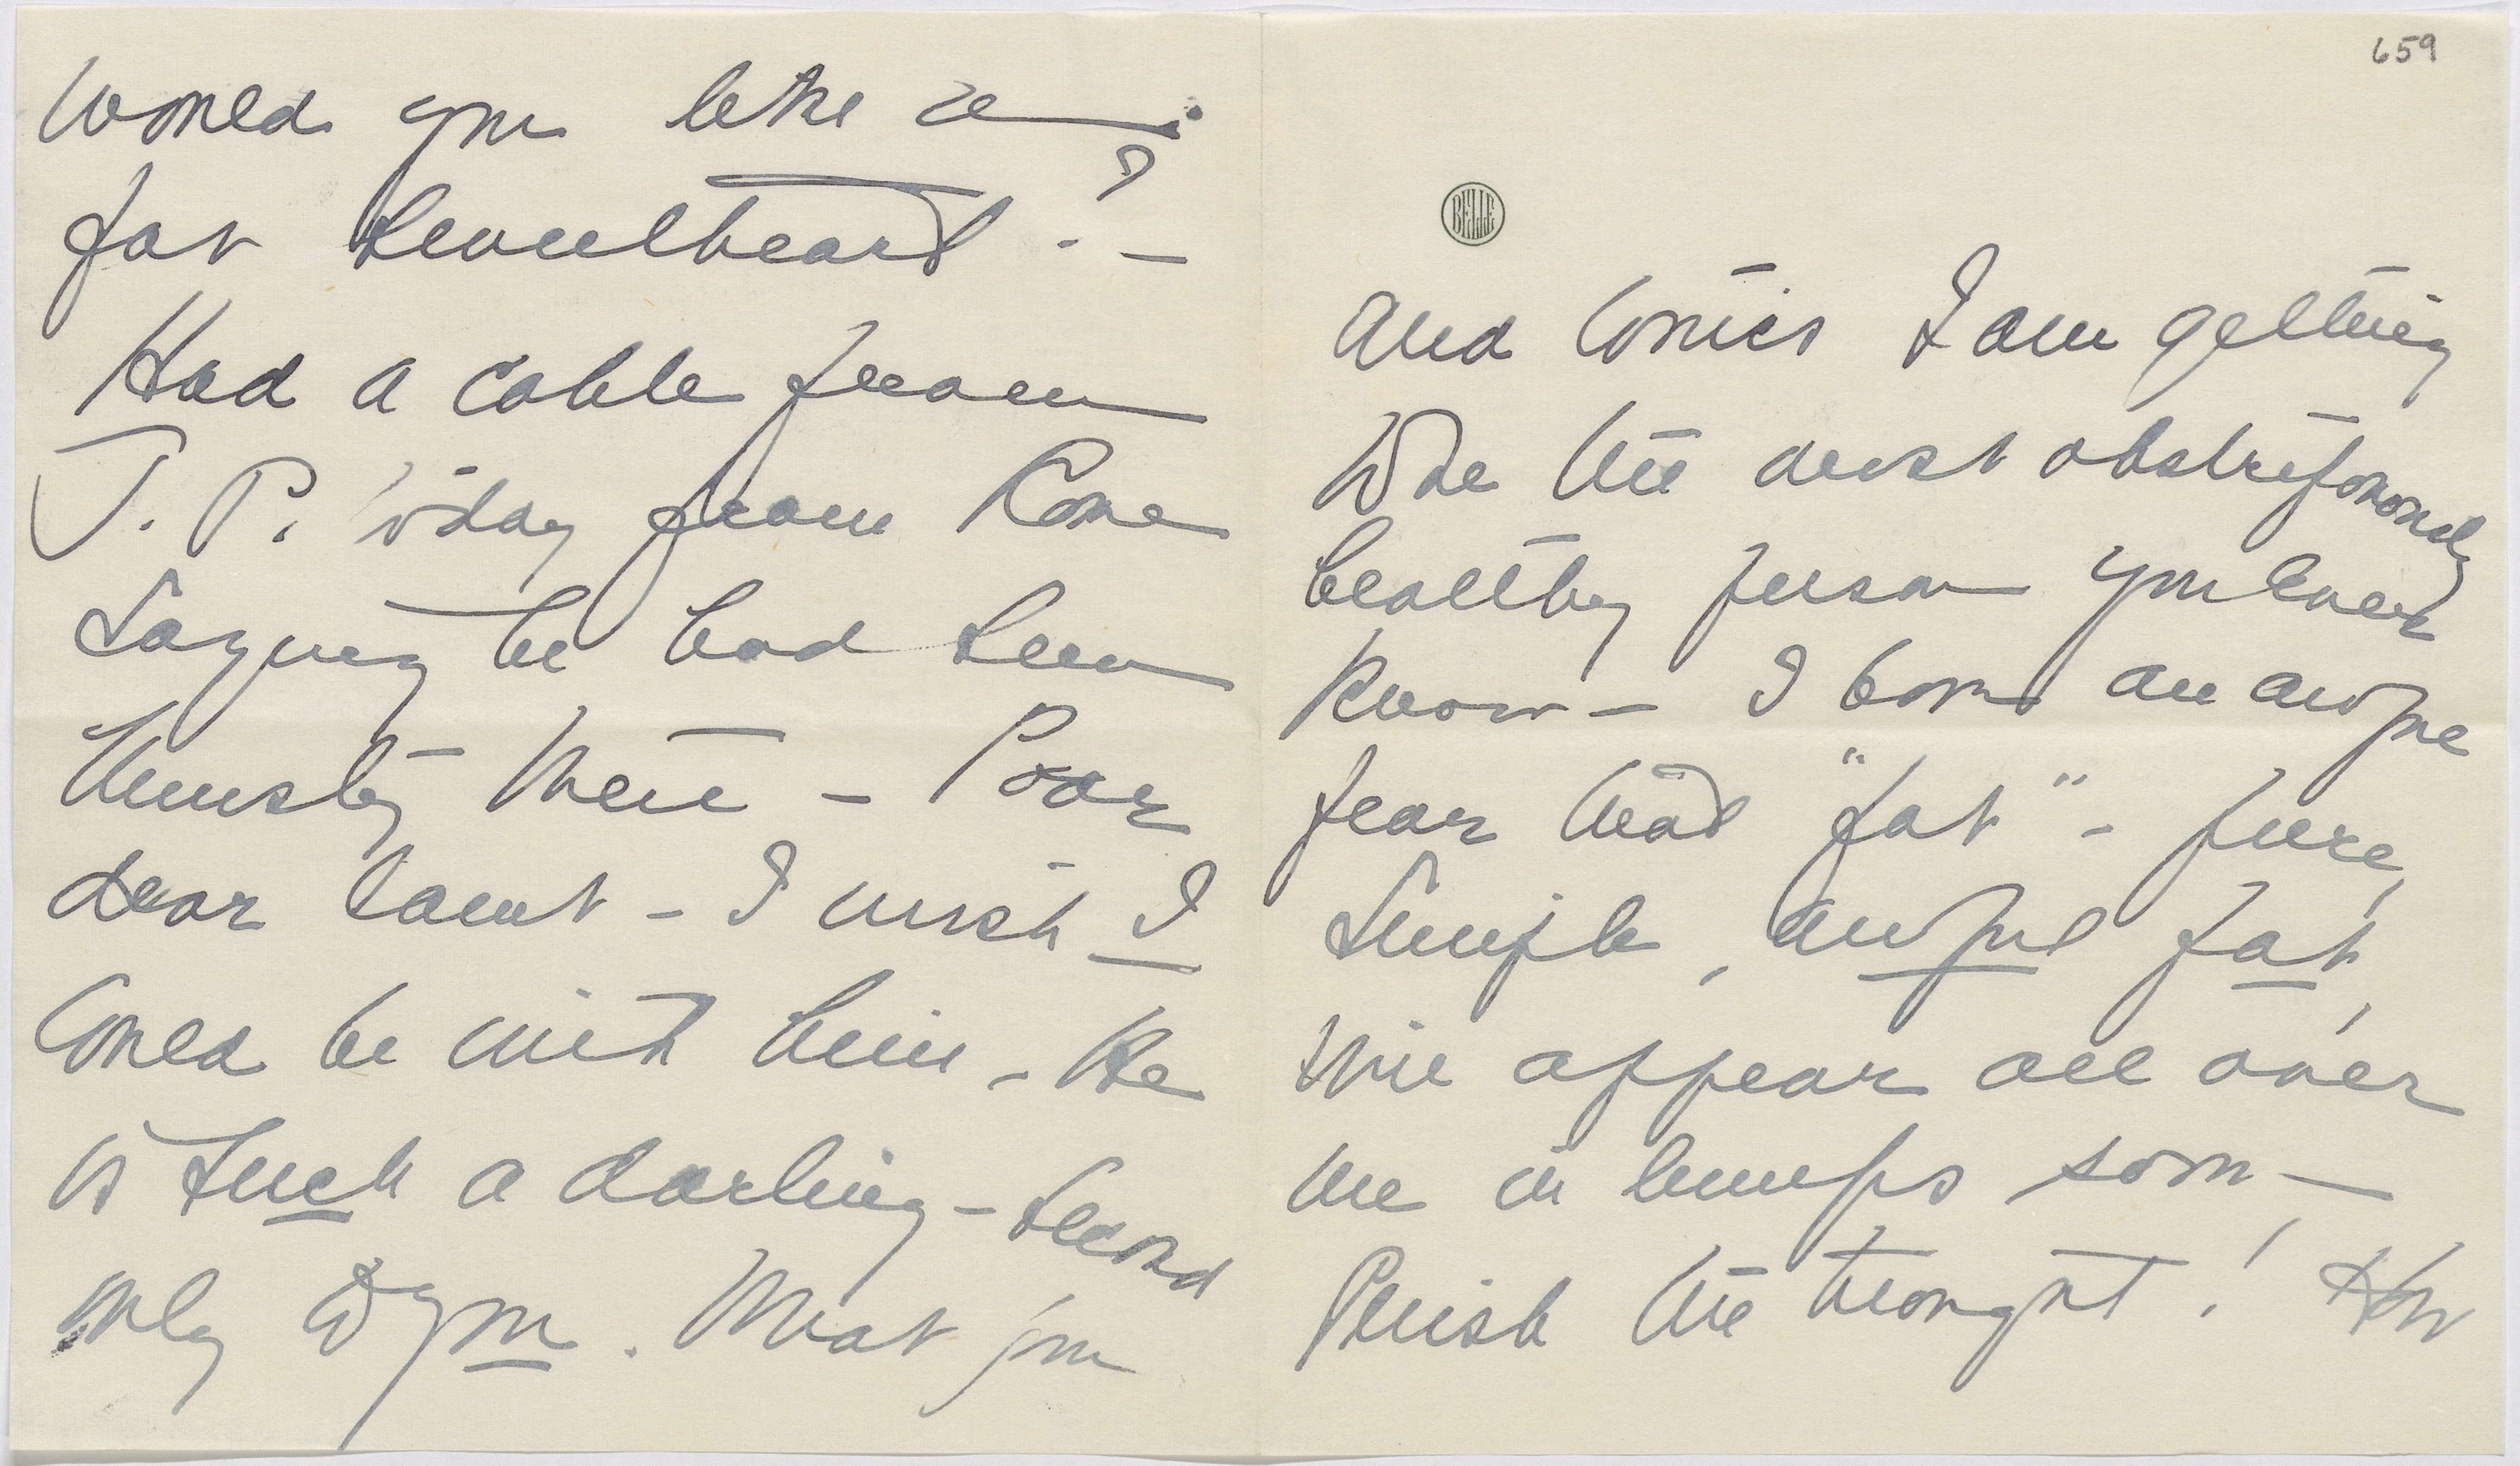and tonics I am getting to be the most obstreperously healthy person you ever know – I have an awful fear that “fat” – pure, simple, awful fat, will appear all over me in lumps soon –
Perish the thought! How
would you like a fat sweetheart? –
Had a cable from J. P. today from Rome saying he had seen Thursty there – Poor dear lamb – I wish I could be with him – He is such a darling – second only to you. What fun